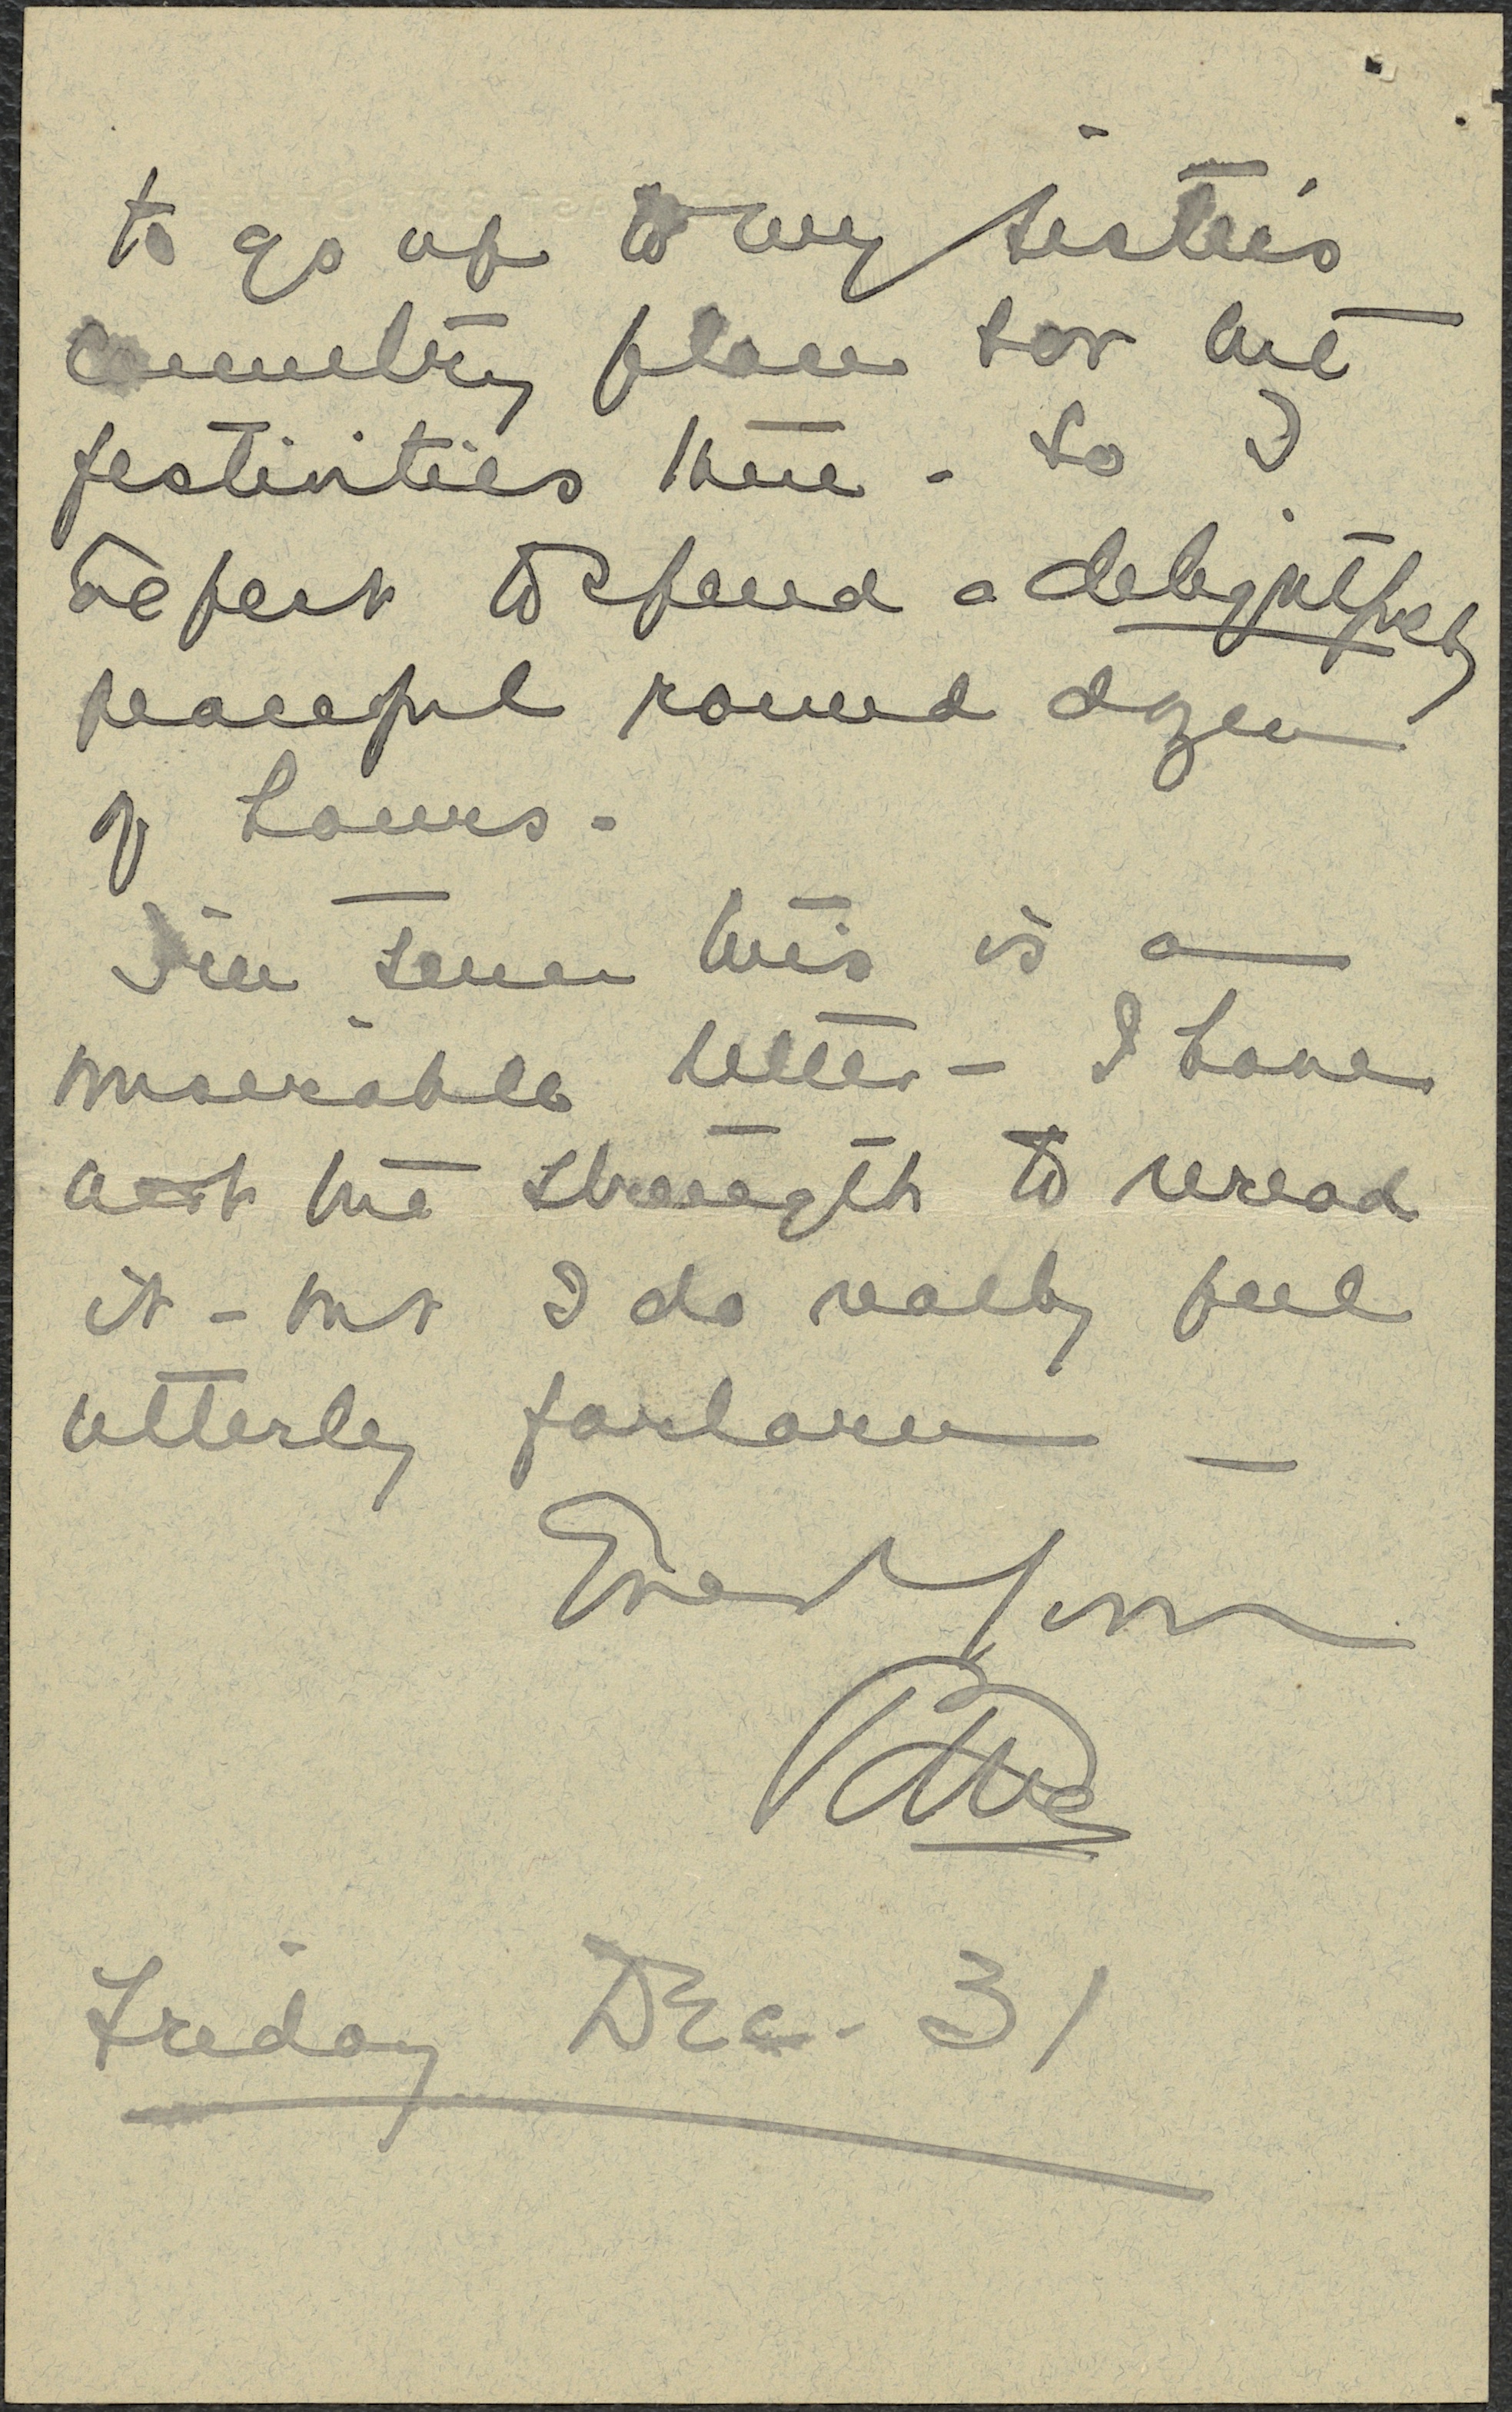to go up to my sister's country place for the festivities there. So I expect to spend a delightfully peaceful round dozen of hours.
I'm sure this is a miserable letter – I have not the strength to reread it – but I do really feel utterly forlorn –
Ever Yours
Belle
Friday Dec. 31